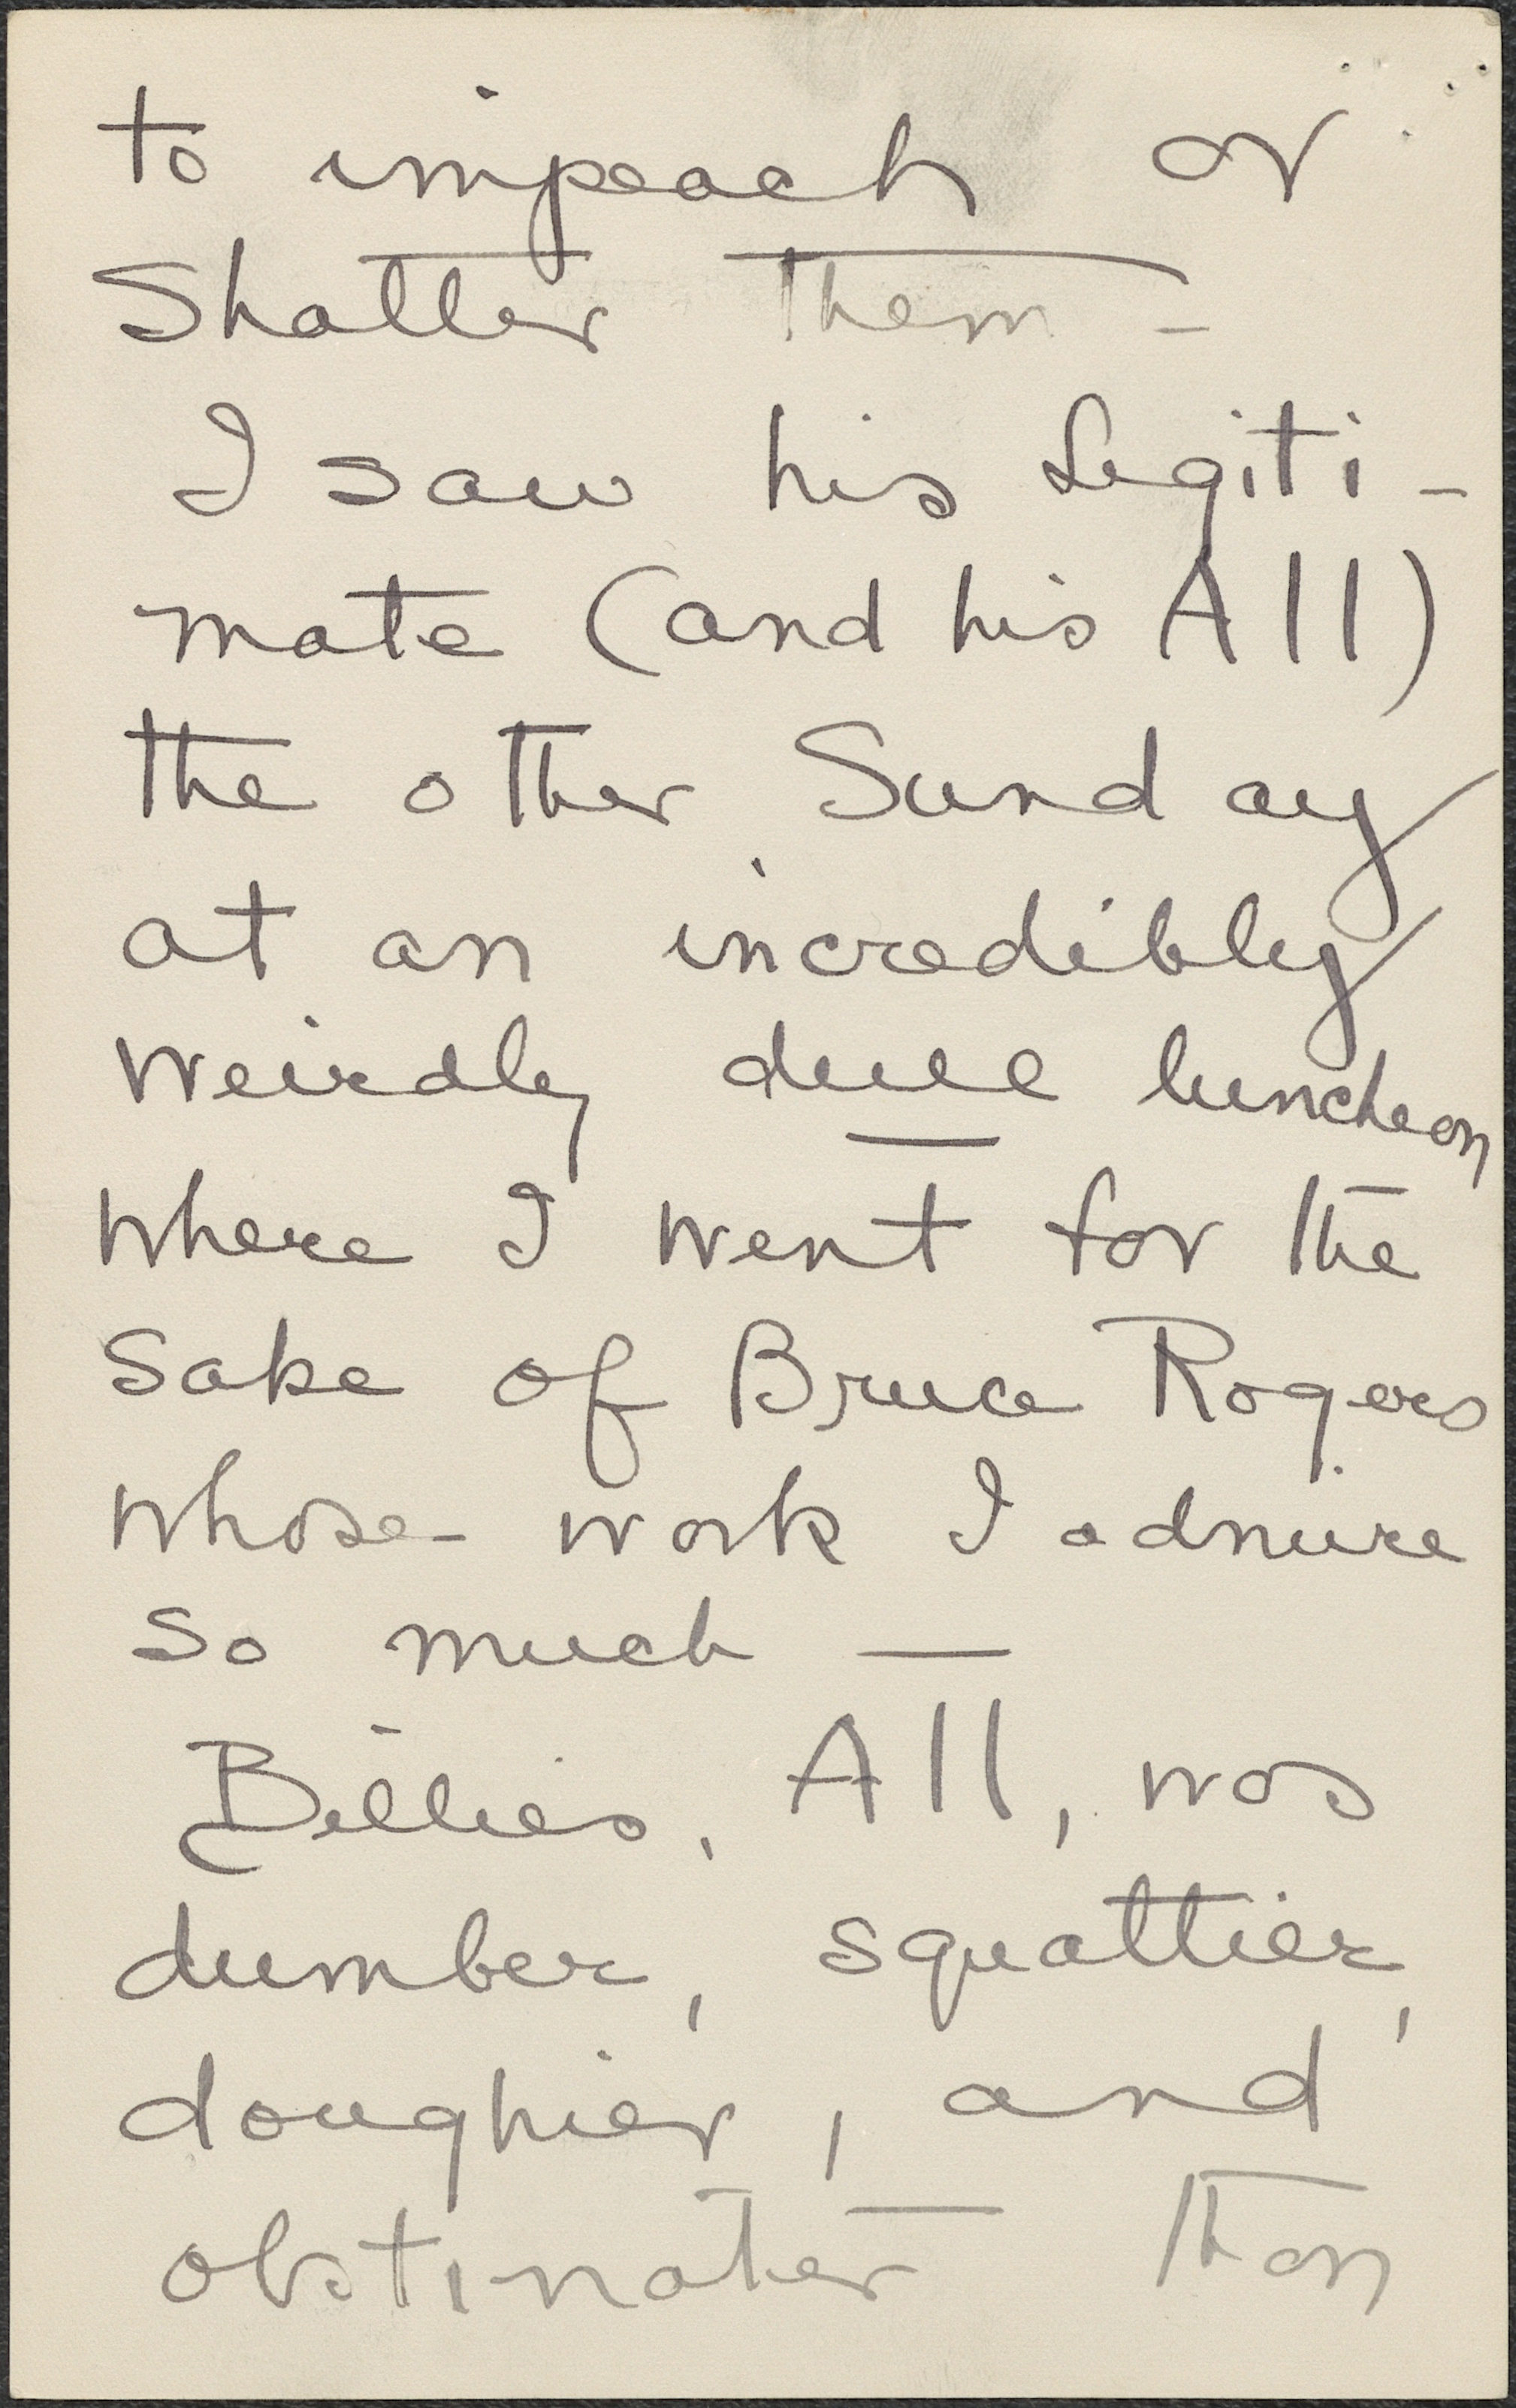to impeach or shatter them –
I saw his Ligitimate [sic] (and his All) the other Sunday at an incredibly weirdly dull luncheon where I went for the sake of Bruce Rogers whose work I admire so much –
Billies, All, was dumber, squattier, doughier, and obstinater than